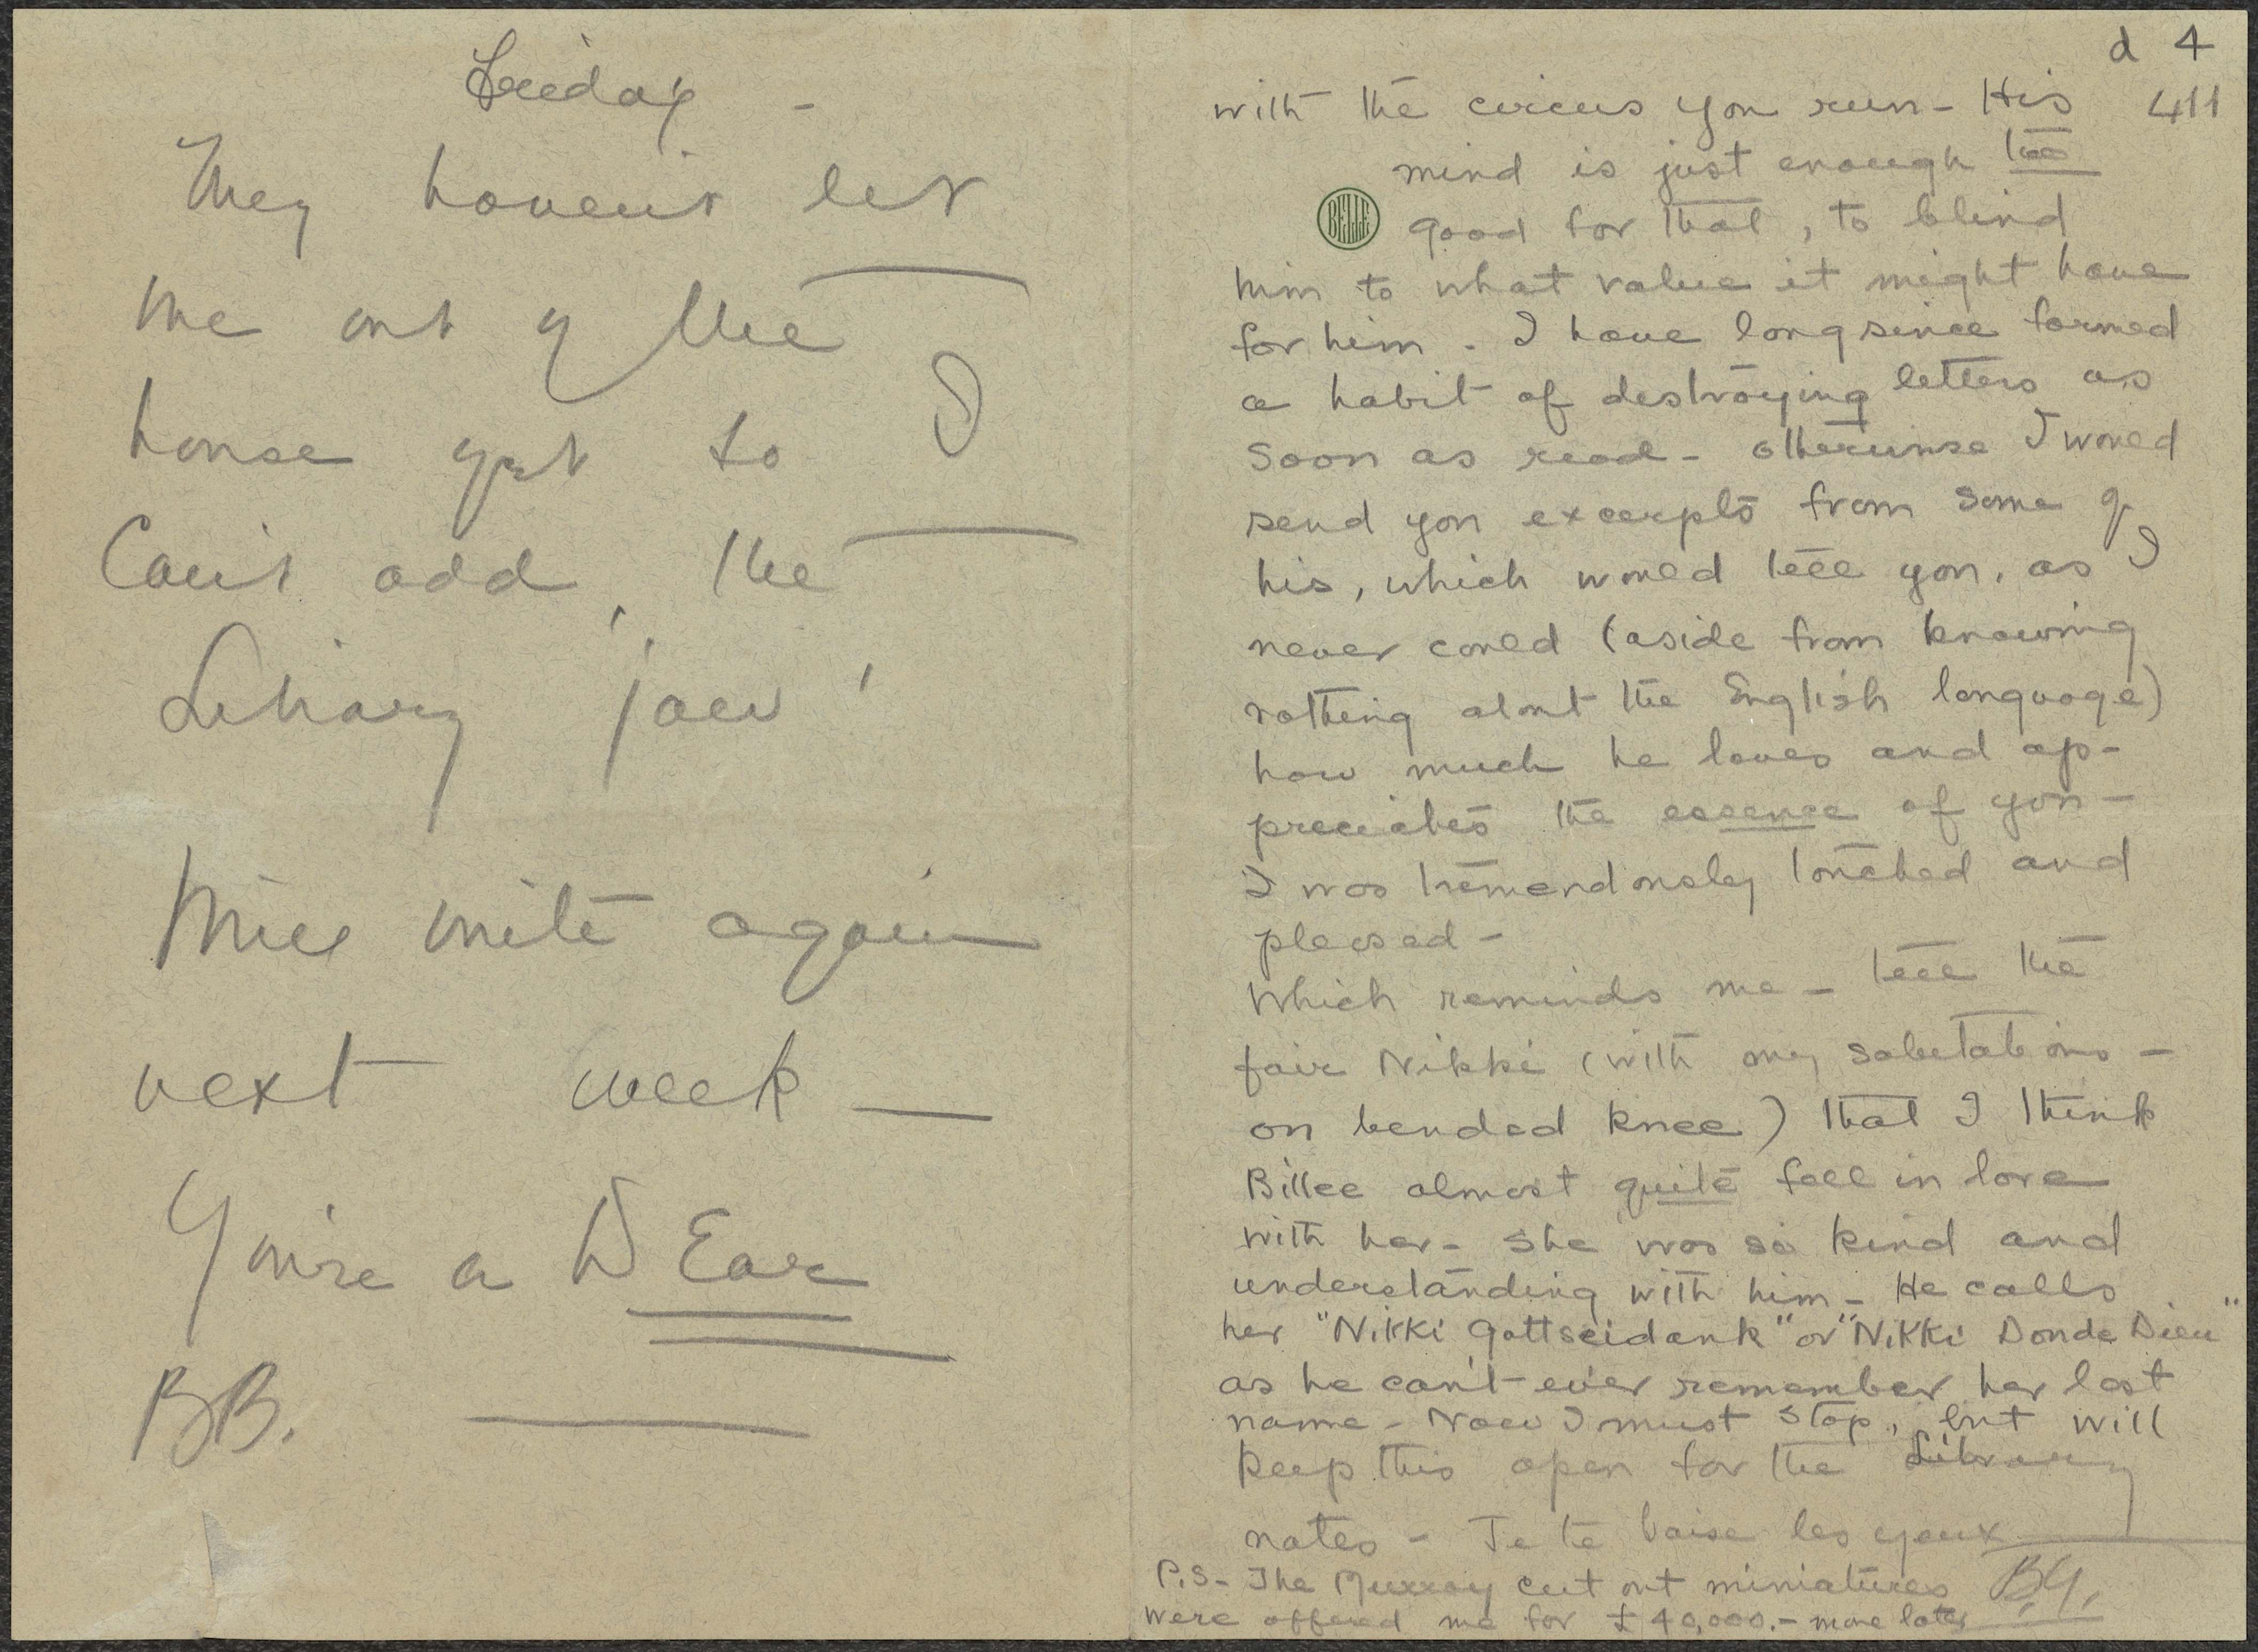with the circus you run – His mind is just enough too good for that, to blind him to what value it might have for him. I have long since formed a habit of destroying letters as soon as read – otherwise I would send you excerpts from some of his, which would tell you, as I never could (aside from knowing nothing about the English language) how much he loves and appreciates the essence of you – I was tremendously touched and pleased –
Which reminds me – tell the fair Nikki (with my salutations – on bended knee) that I think Billee almost quite fell in love with her – She was so kind and understanding with him – He calls her “Nikki Gottseidank” or “Nikki Donde Dieu” as he can’t ever remember her last name – Now I must stop, but will keep this open for the Library notes – Je te baise les yeux
B.G.
P.S – The Murray cut out miniatures were offered me for £40,000. – more later
Friday –
They haven’t let me out of the house so I can’t add the Library ‘jaw [?]’
Will write again next week –
You're a [double underlined: Dear] BB. –